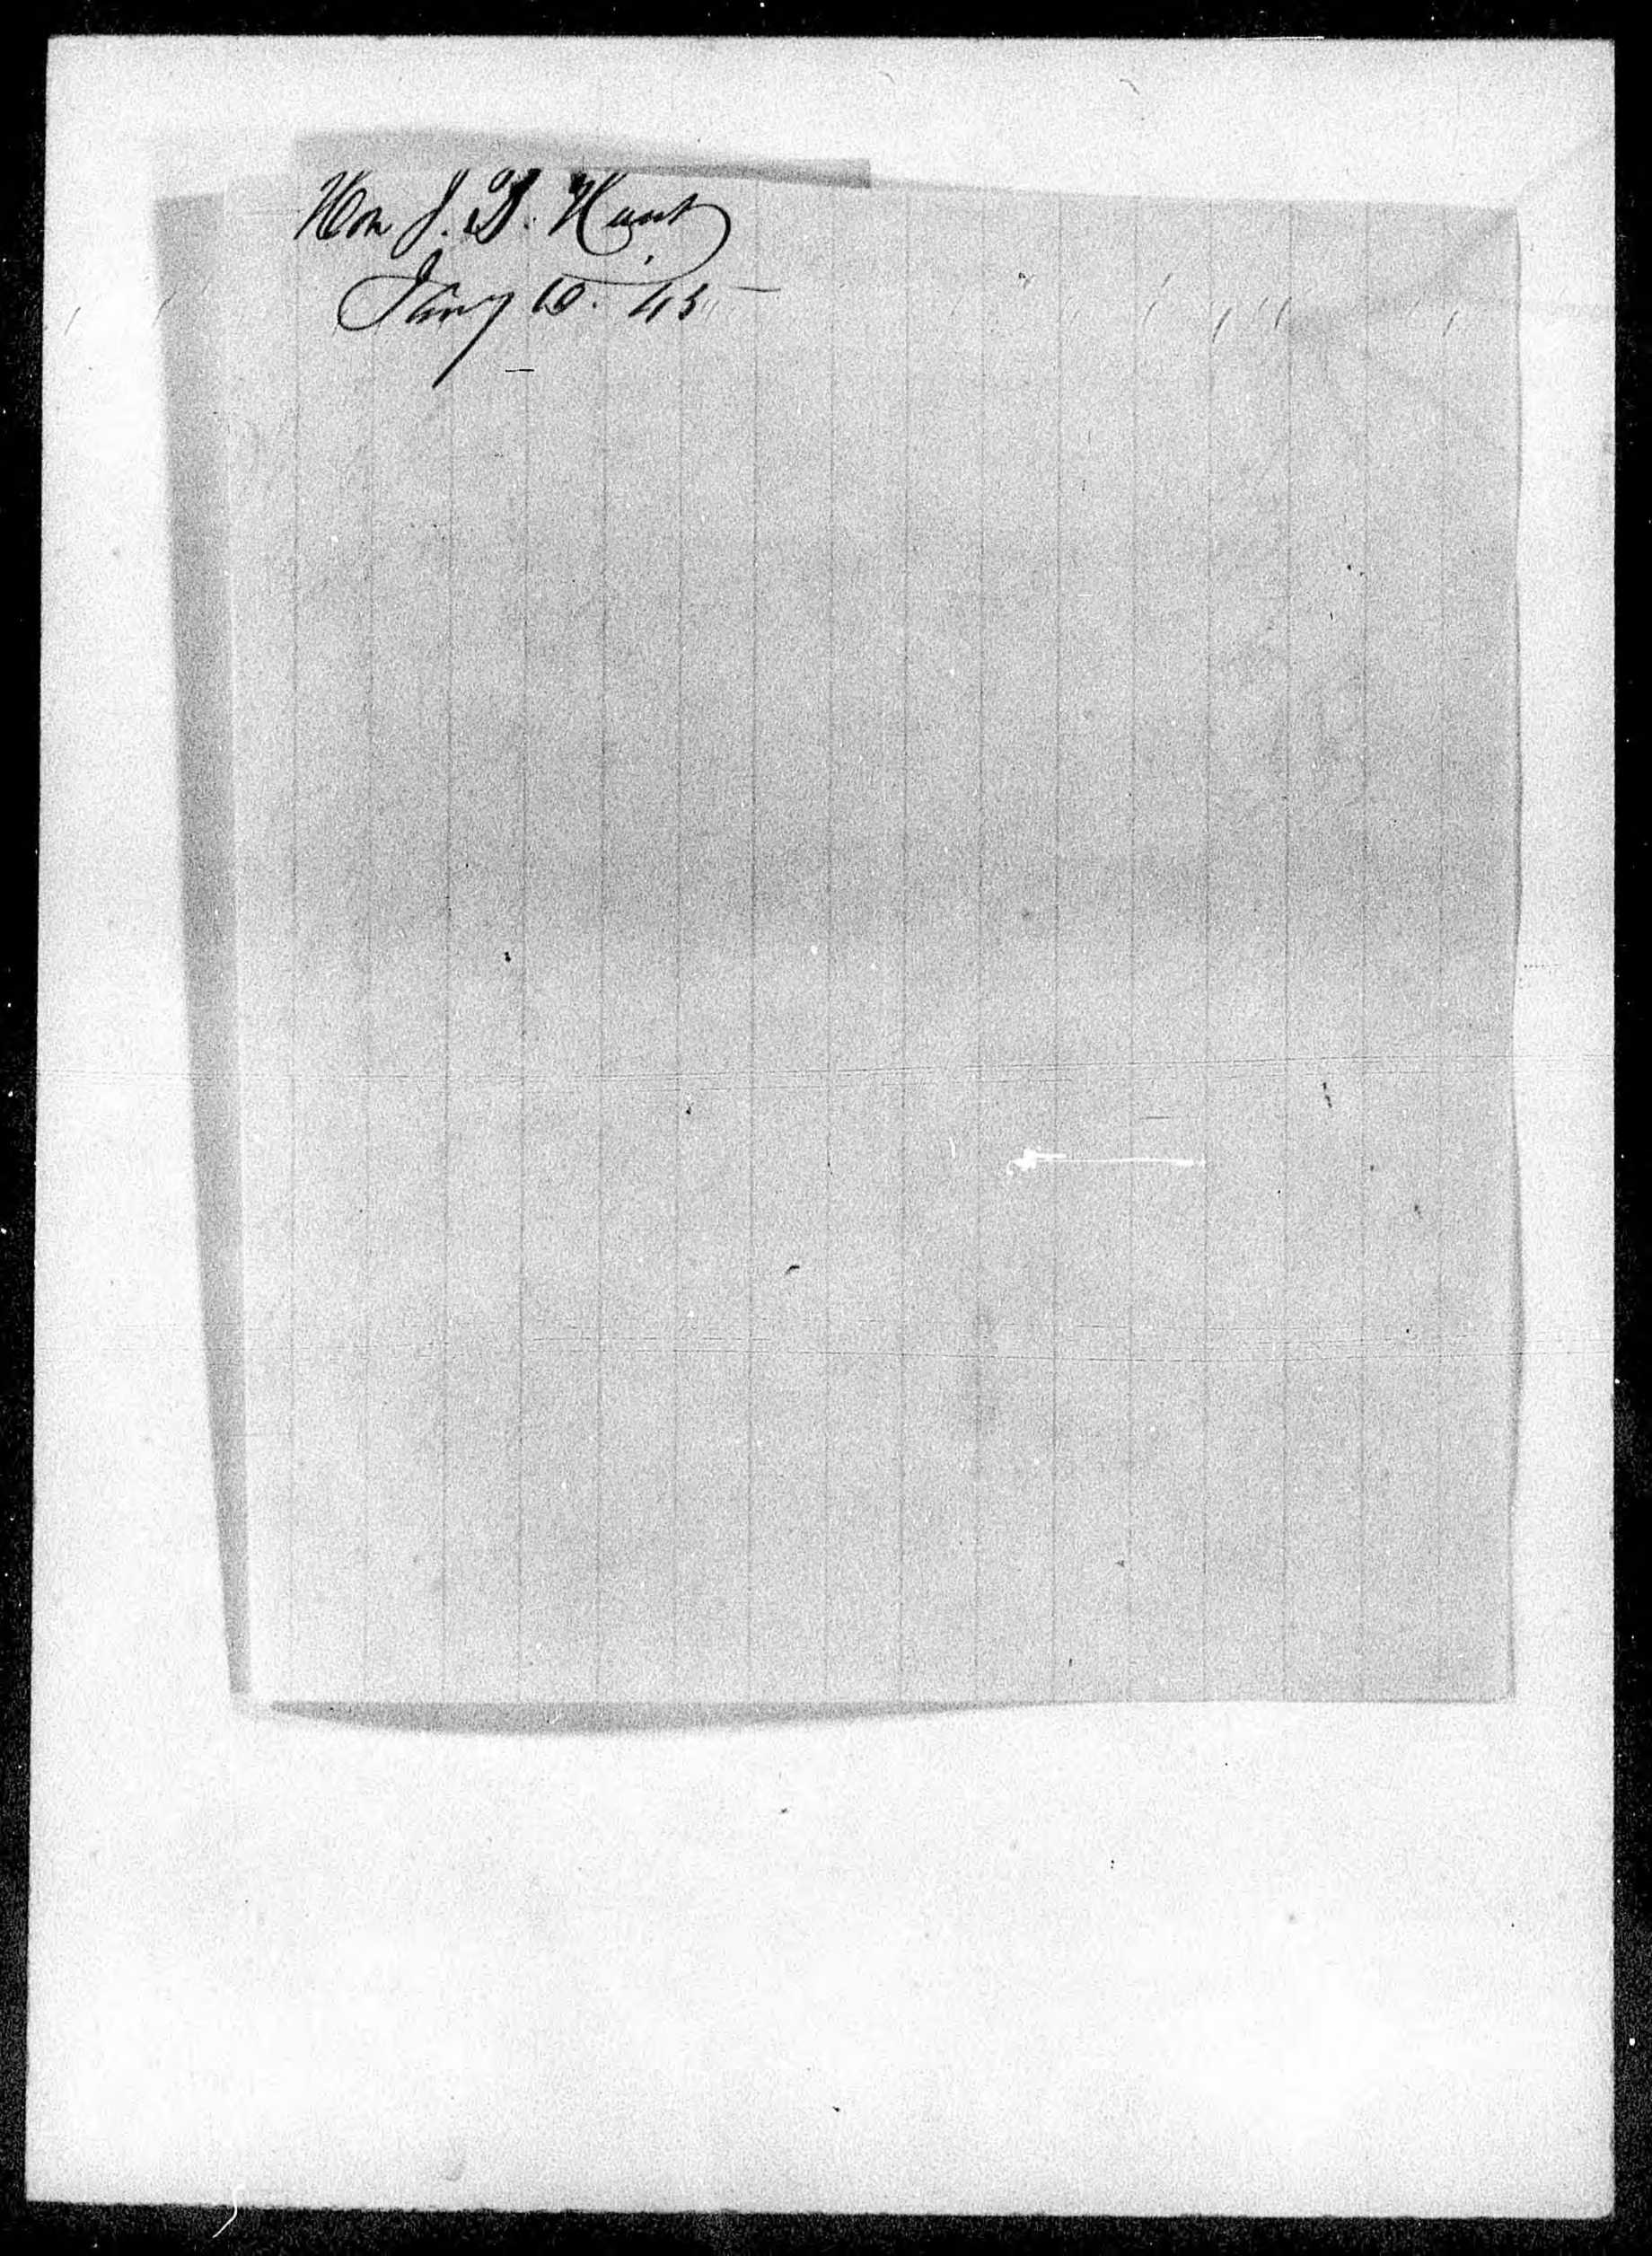Hon J.B. Hunt
Jany 10. 45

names: J B Hunt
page: 45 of 66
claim: rejected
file: R. 4298, Samuel Gregory, New York